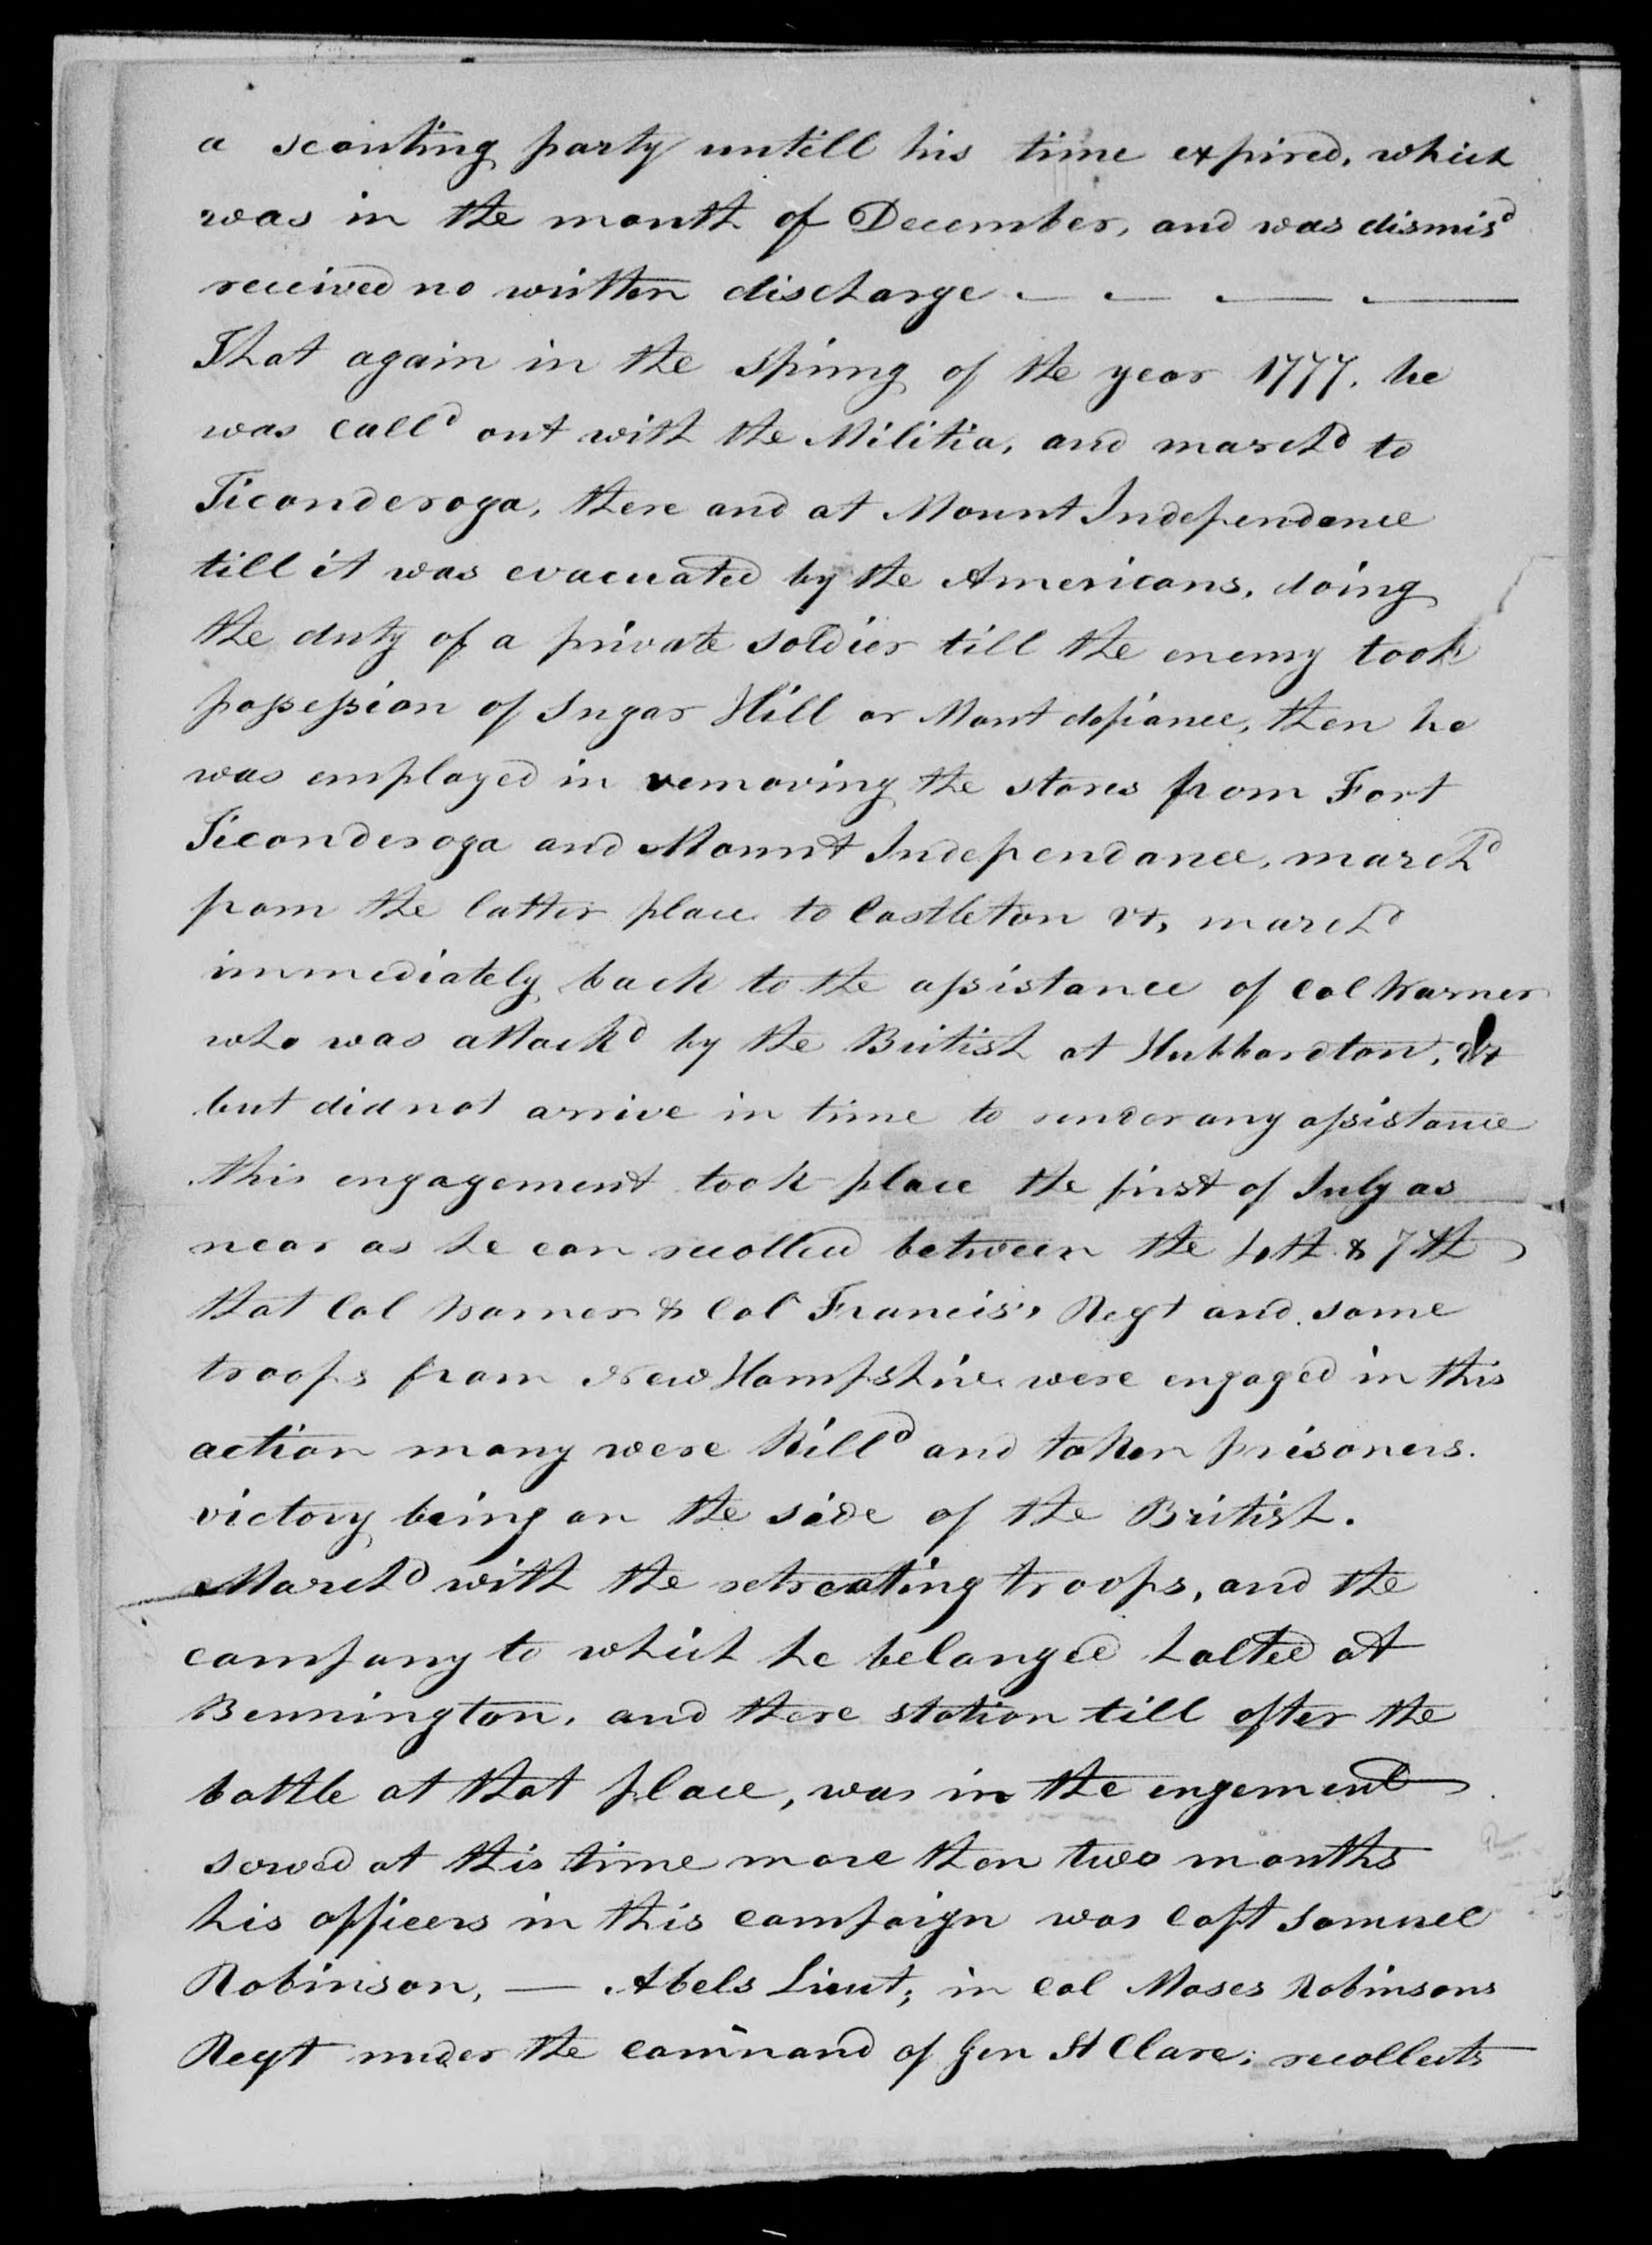a scouting party untill his time expired, which was in the month of December, and was dismisd received no written discharge.

That again in the spring of the year 1777, he was calld out with the Militia, and marchd to Ticonderoga, there and at Mount Independence till it was evacuated by the Americans, doing the duty of a private soldier till the enemy took possession of Sugar Hill or Mont Defiance, then he was employed in removing the stores from Fort Ticonderoga and Mount Independence, marchd from the latter place to Castleton Vt, marchd immediately back to the assistance of Col Warner who was attackd by the British at Hubbardton, Vt but did not arrive in time to send any assistance. this engagement took place the first of July as near as he can recollecd between the 4th & 7th that Col Warner & Col Francis' Regt and some troops from New Hampshire were engaged in this action many were killd and taken prisoners, victory being on the side of the British. Marchd with the retreating troops, and the company to which he belonged halted at Bennington, and there station till after the battle at that place, was in the [illegible] served at this time more than two months his officers in this campaign was Capt Samuel Robinson, - Abels Lieut; in Col Moses Robinsons Regt under the command of Gen. St Clare; recollects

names: Samuel Robinson, Warner, St Clare, Abels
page: 7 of 72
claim: widow's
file: W. 7771, Stephen Holmes, Vt.